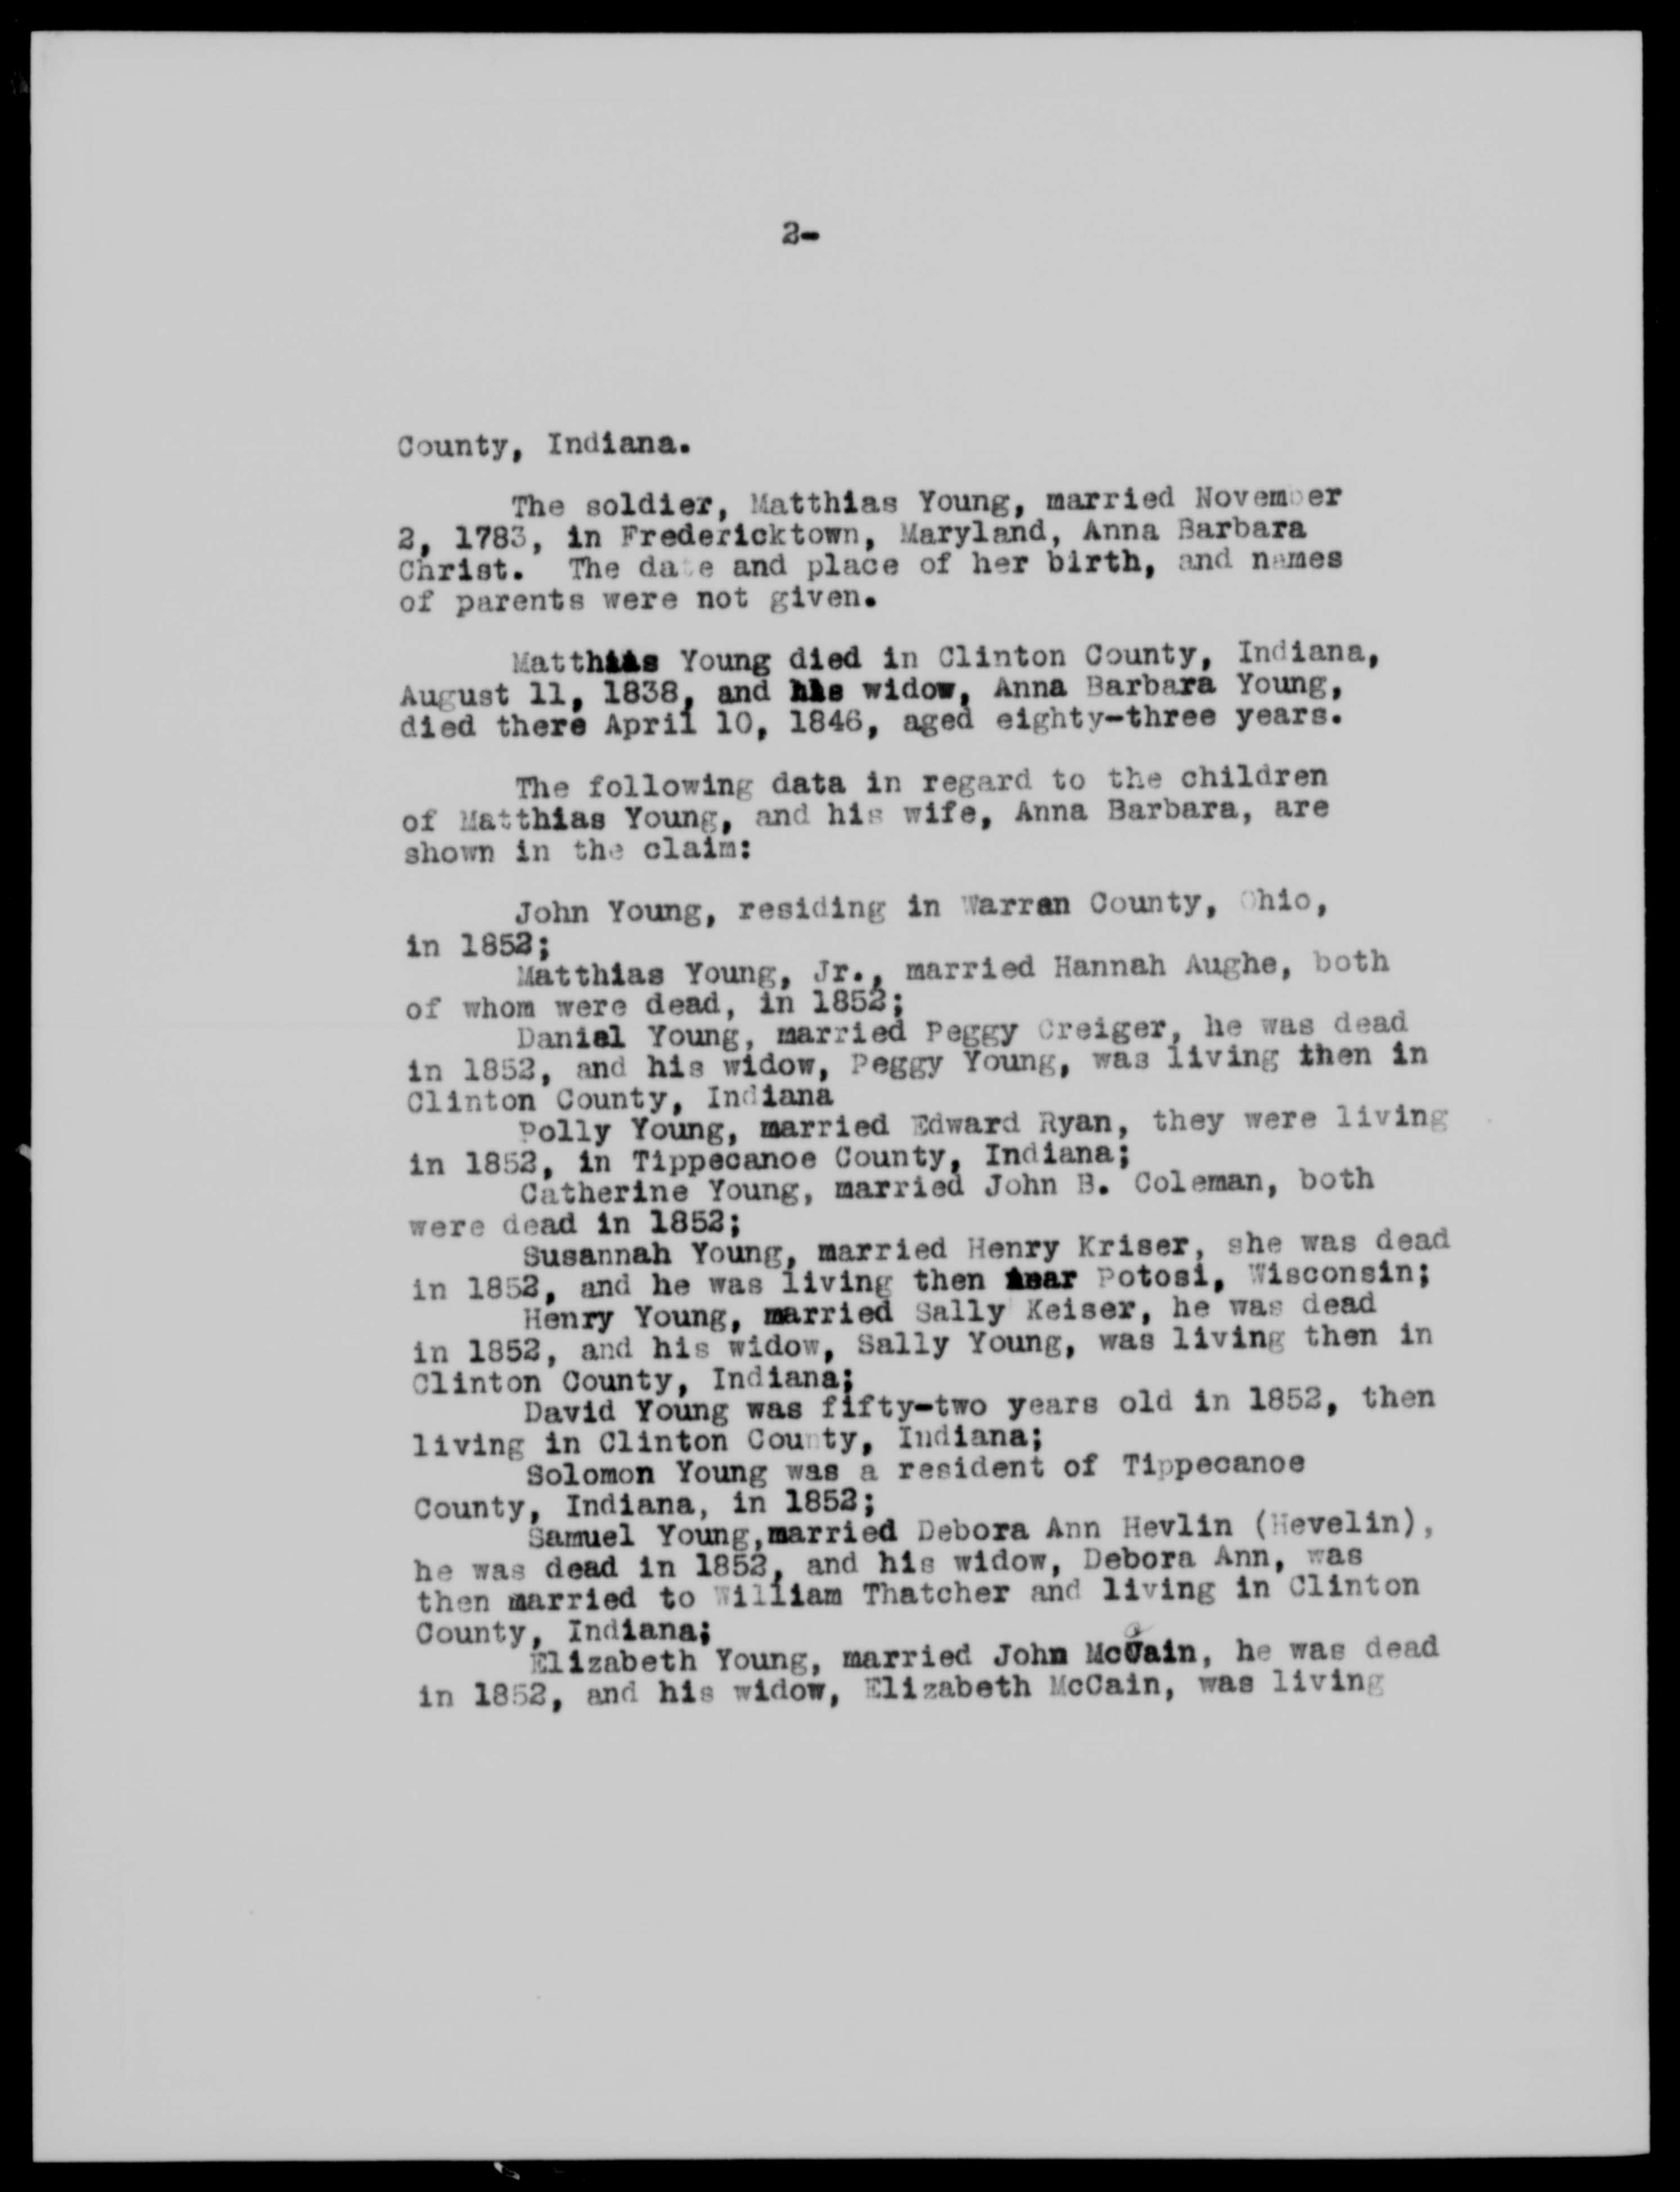2-
County, Indiana.

The soldier, Matthias Young, married November
2, 1783, in Fredericktown, Maryland, Anna Barbara
Christ. The date and place of her birth, and names
of parents were not given.

Matthias Young died in Clinton County, Indiana,
August 11, 1838, and his widow, Anna Barbara Young, died there April 10, 1846, aged eighty-three years.

The following data in regard to the children
of Matthias Young, and his wife, Anna Barbara, are
shown in the claim:

John Young, residing in Warren County, his
in 1852;
Matthias Young, Jr., married Hannah Aughe, both
of whom were dead, in 1852;
Daniel Young, married Peggy Creiger, he was dead
in 1852, and his widow, Peggy Young, was living then in Clinton County, Indiana
Polly Young, married Edward Ryan, they were living in 1852, in Tippecanoe County, Indiana
Catherine Young, married John B. Coleman, both
were dead in 1852;
Susannah Young, married Henry Kriser, she was dead in 1852, and he was living then near Potosi, Wisconsin;
Henry Young, married Sally Keiser, he was dead
in 1852, and his widow, Sally Young, was living then in Clinton County, Indiana.
David Young was fifty-two years old in 1852, then
living in Clinton County, Indiana
Solomon Young was a resident of Tippecanoe
County, Indiana, in 1852;
Samuel Young, married Debor Ann Havlin (Hevelin),
he was dead in 1852, and his widow, Debora Ann, was then married to William Thatcher and living in Clinton County, Indiana.
Elizabeth Young, married John McCain, he was dead
in 1852, and his widow, Elizabeth McCain, was living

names: Matthias Young, Danial Young, Debora Ann Hevlin, Peggy Creiger, Solomon Young, Elizabeth Young, Peggy Young, John B Coleman, Samuel Young, Anna Barbara Christ, William Thatcher, Sally Keiser, John Young, David Young, Polly Young, Hannah Aughe, Sally Young, Susannah Young, John Mc Cain, Henry Young, Debora Ann Hevelin, Catherine Young, Henry Kriser, Edward Ryan, Elizabeth Mc Cain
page: 39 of 123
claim: rejected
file: R. 11,949, Matthias Young, Md.